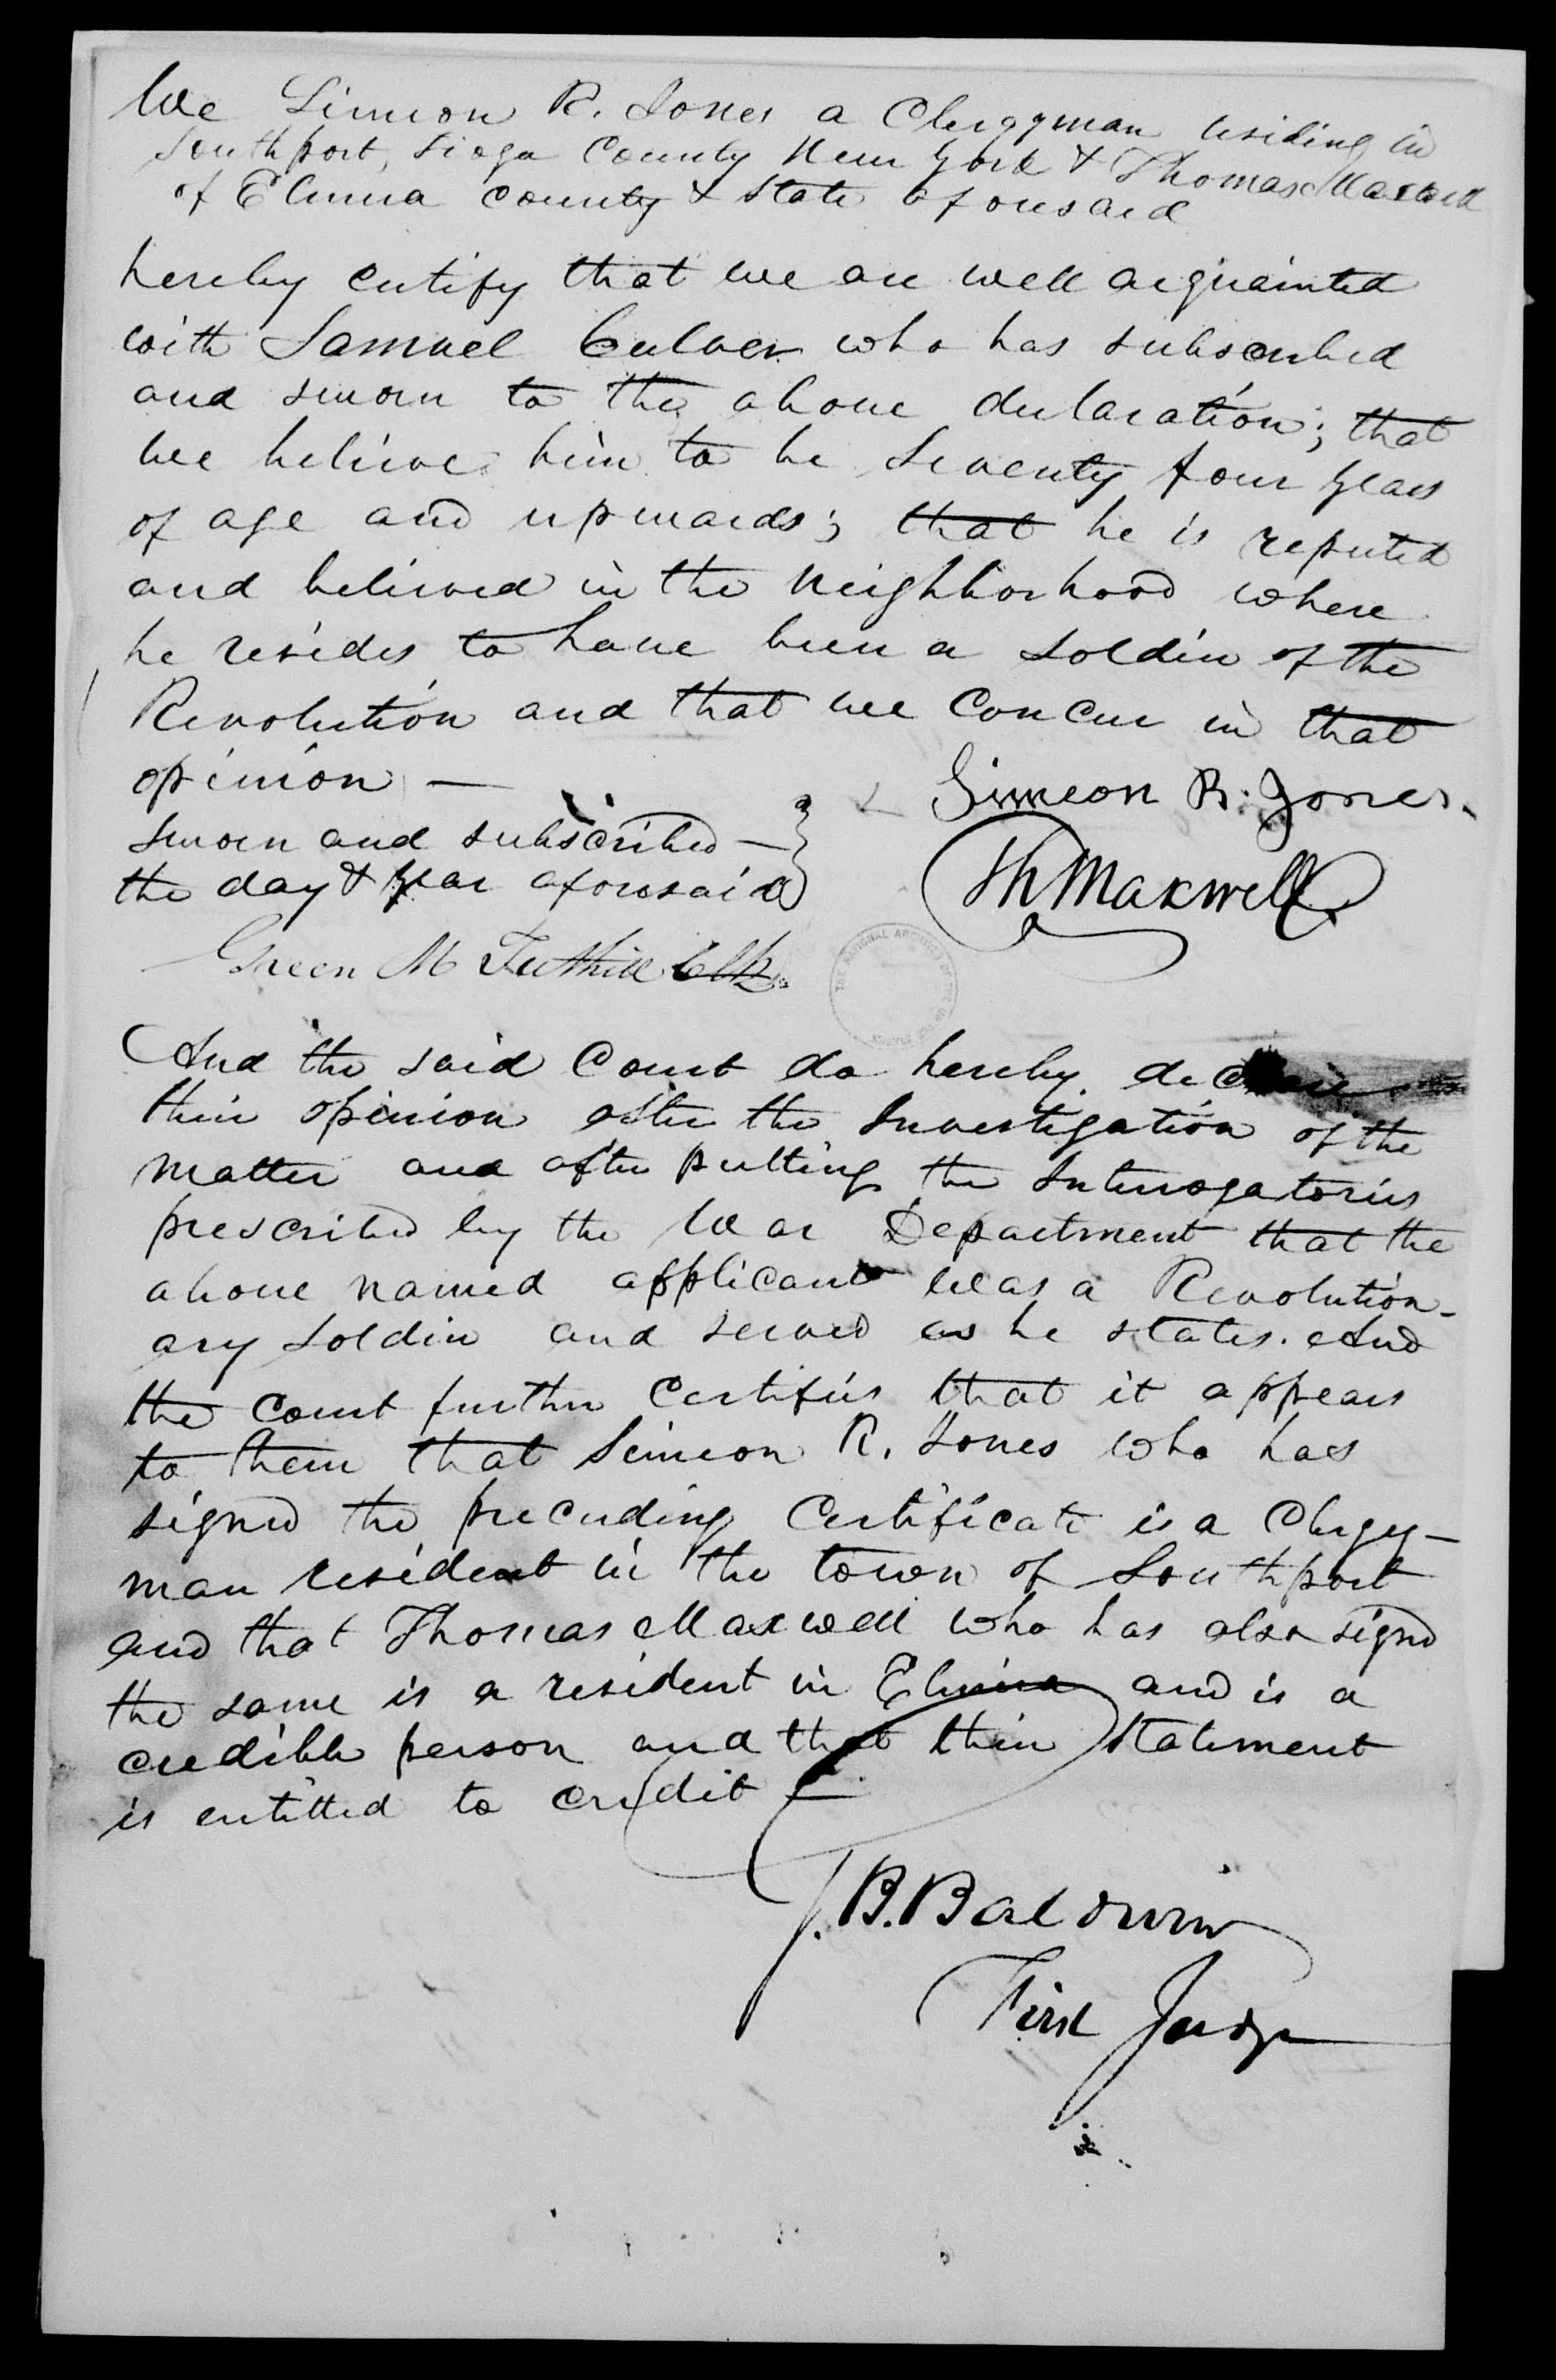We Simeon R. Jones a Clergyman residing in 
Southport, Tioga County New York & Thomas Maxwell 
of Elmira County\y & State aforesaid
hereby certify that we are well acquainted
with Samuel Culver who has subscribed
and sworn to the above declaration: that
we believe him to be Seventy four years
of age and upwards; that he is reputed
and believed in the neighborhood where
he resides to have been a soldier of the
Revolution and that we concur in that 
opinion – 

Sworn and subscribed			Simeon R. Jones [signature]
The day & year aforesaid
Green M. Tuthill [signature]		T H Maxwell [signature]
Clk.

[Seal of the National Archives]

And the said Court do hereby declare
their opinion after the Investigation of the
matter and after putting the Interrogatories
prescribed by the War Department that the
above named applicant was a Revolution-
ary soldier and served as he states. And 
the Court further certifies that it appears
to them that Simeon R. Jones who has
signed the preceding certificate is a Clergy-
man resident in the town of Southport
and that Thomas Maxwell who has also signed 
the same is a resident in Elmira and is a 
credible person that their statement 
is entitled to credit – 

J.B. Baldwin [signature]
Trial Judge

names: Thomas Maxwell, Th Maxwell, Simeon R Jones, Thomas Maxwell, Simeon R Jones, Simeon R Jones, J B Baldwin, Green M Tuthill, Samuel Culver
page: 9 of 40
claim: rejected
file: R. 1,570, Samuel Culver, New Jersey